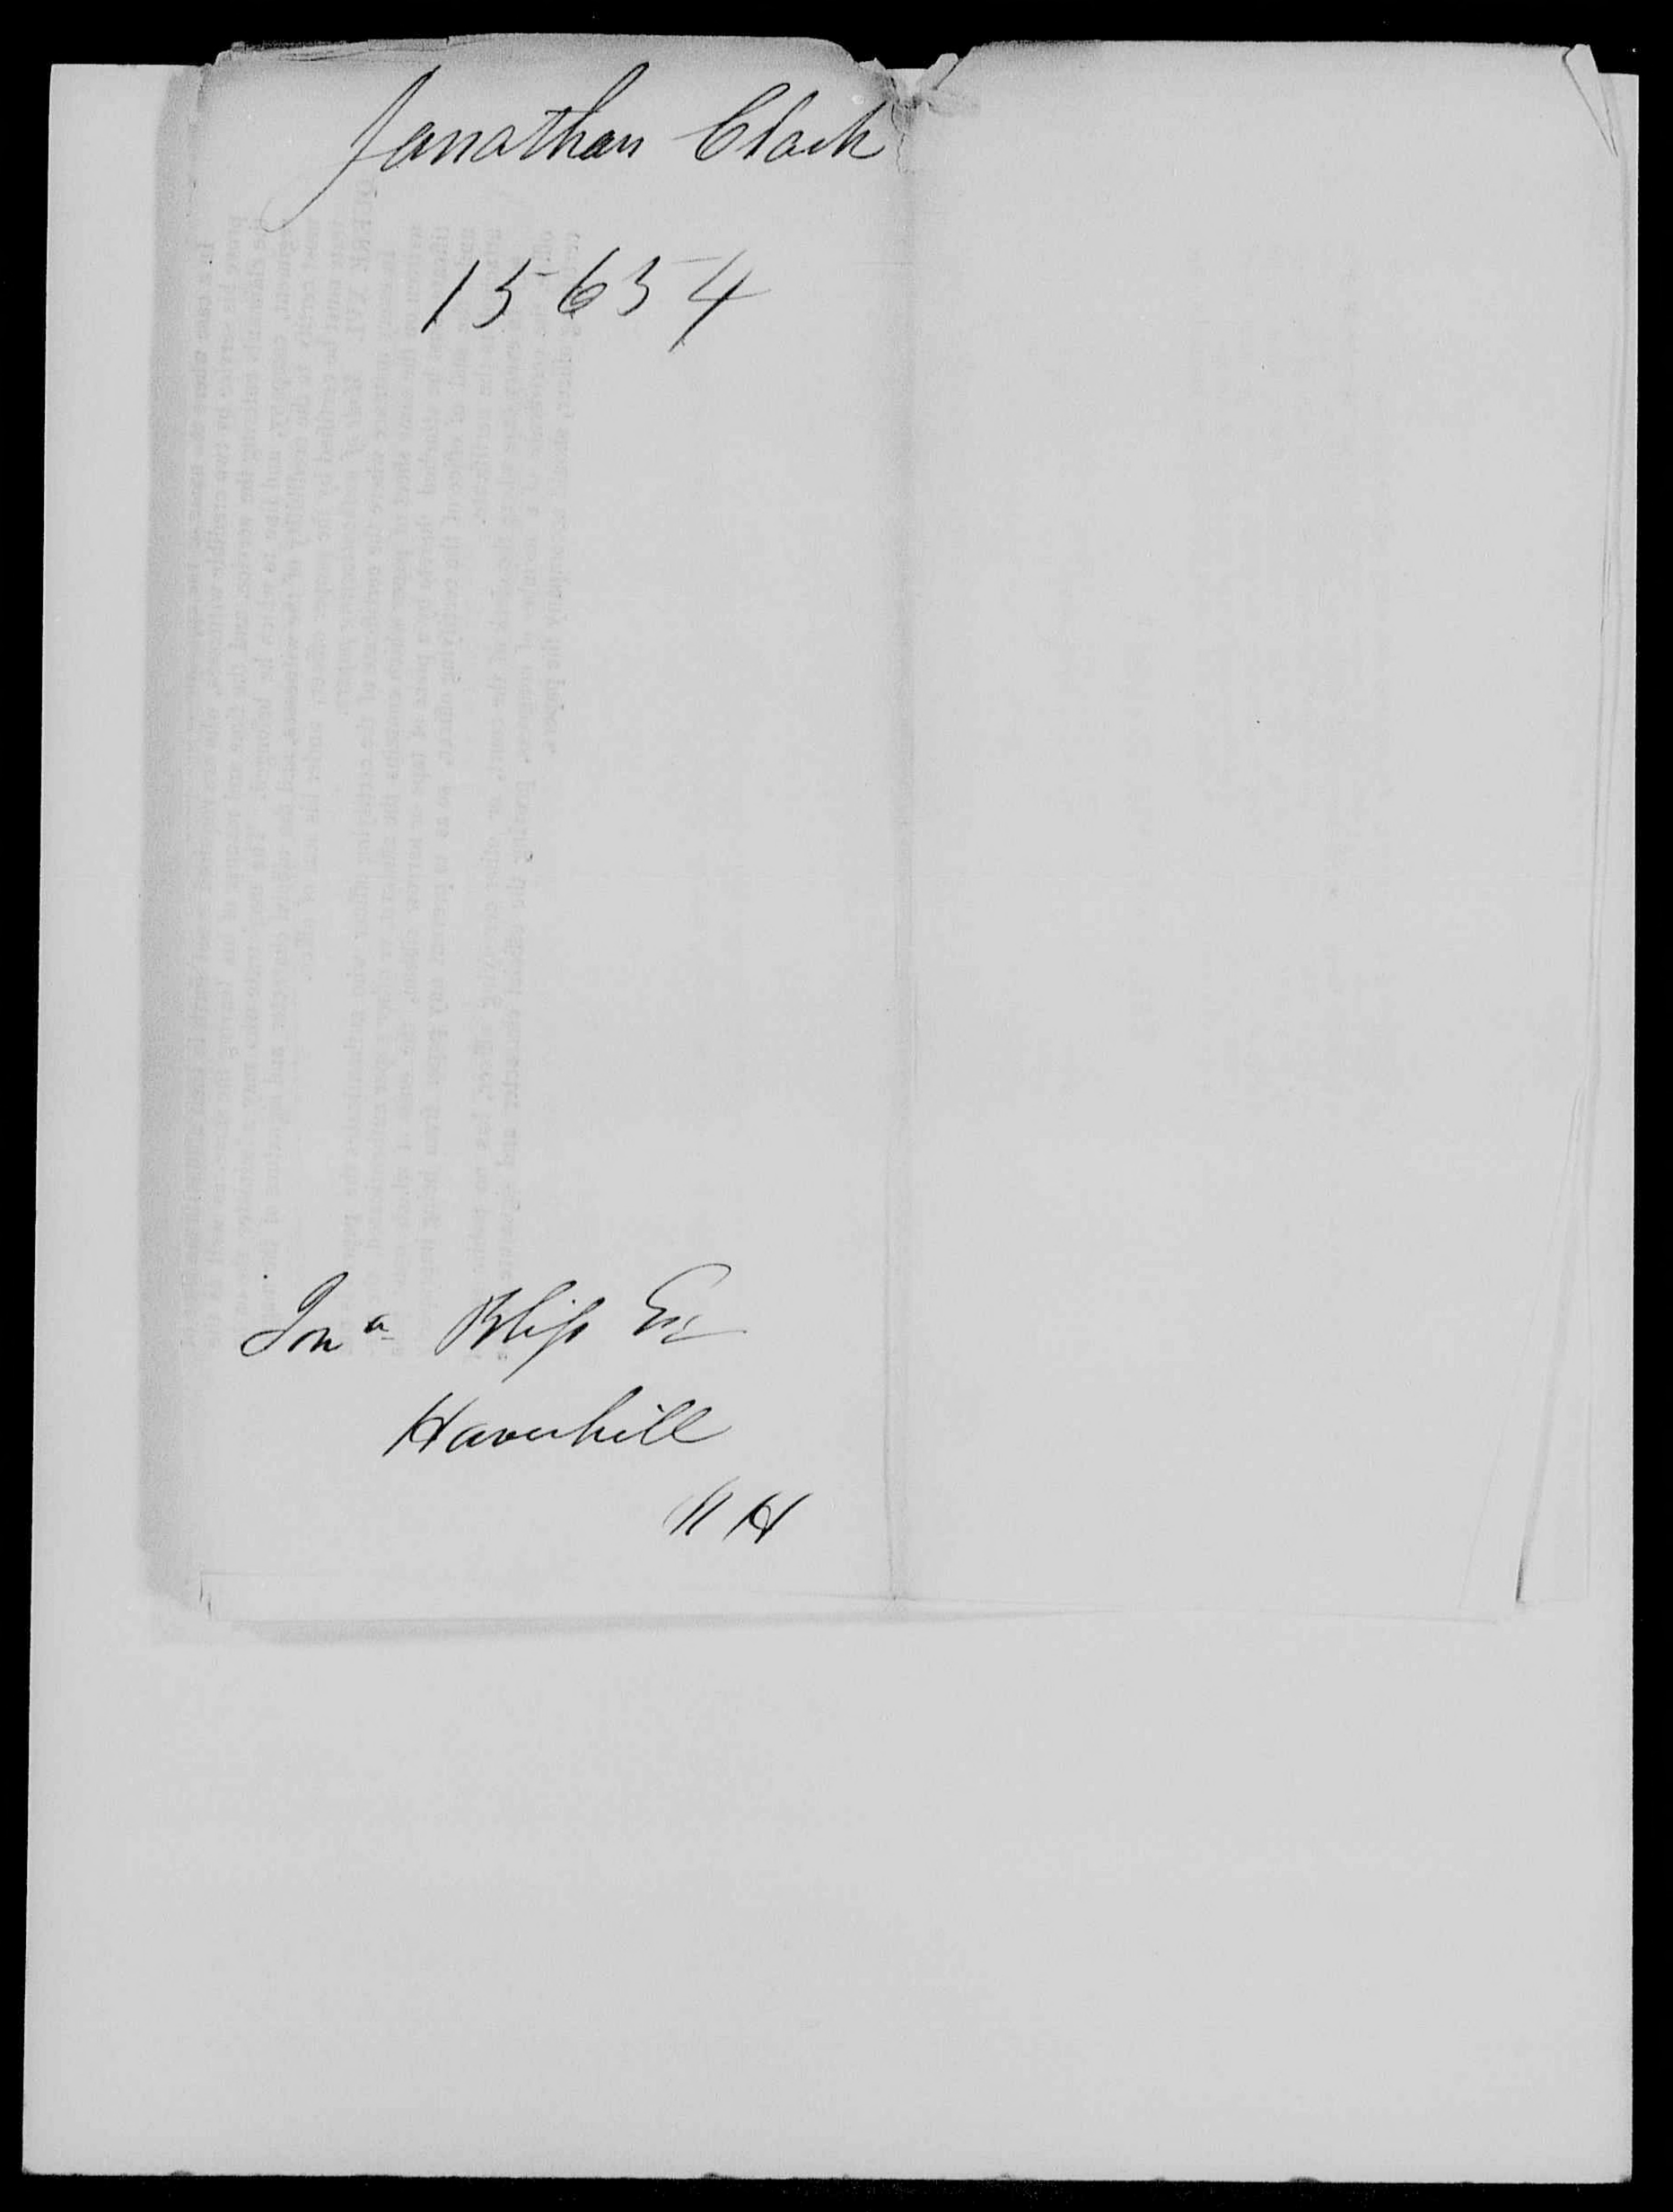Jonathan Clark
15654

Jona Bliss Esq
Haverhill
NH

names: Jona Bliss, Jonathan Clark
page: 13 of 18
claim: survivor's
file: S. 12,512, Jonathan Clark, Mass. N.H.